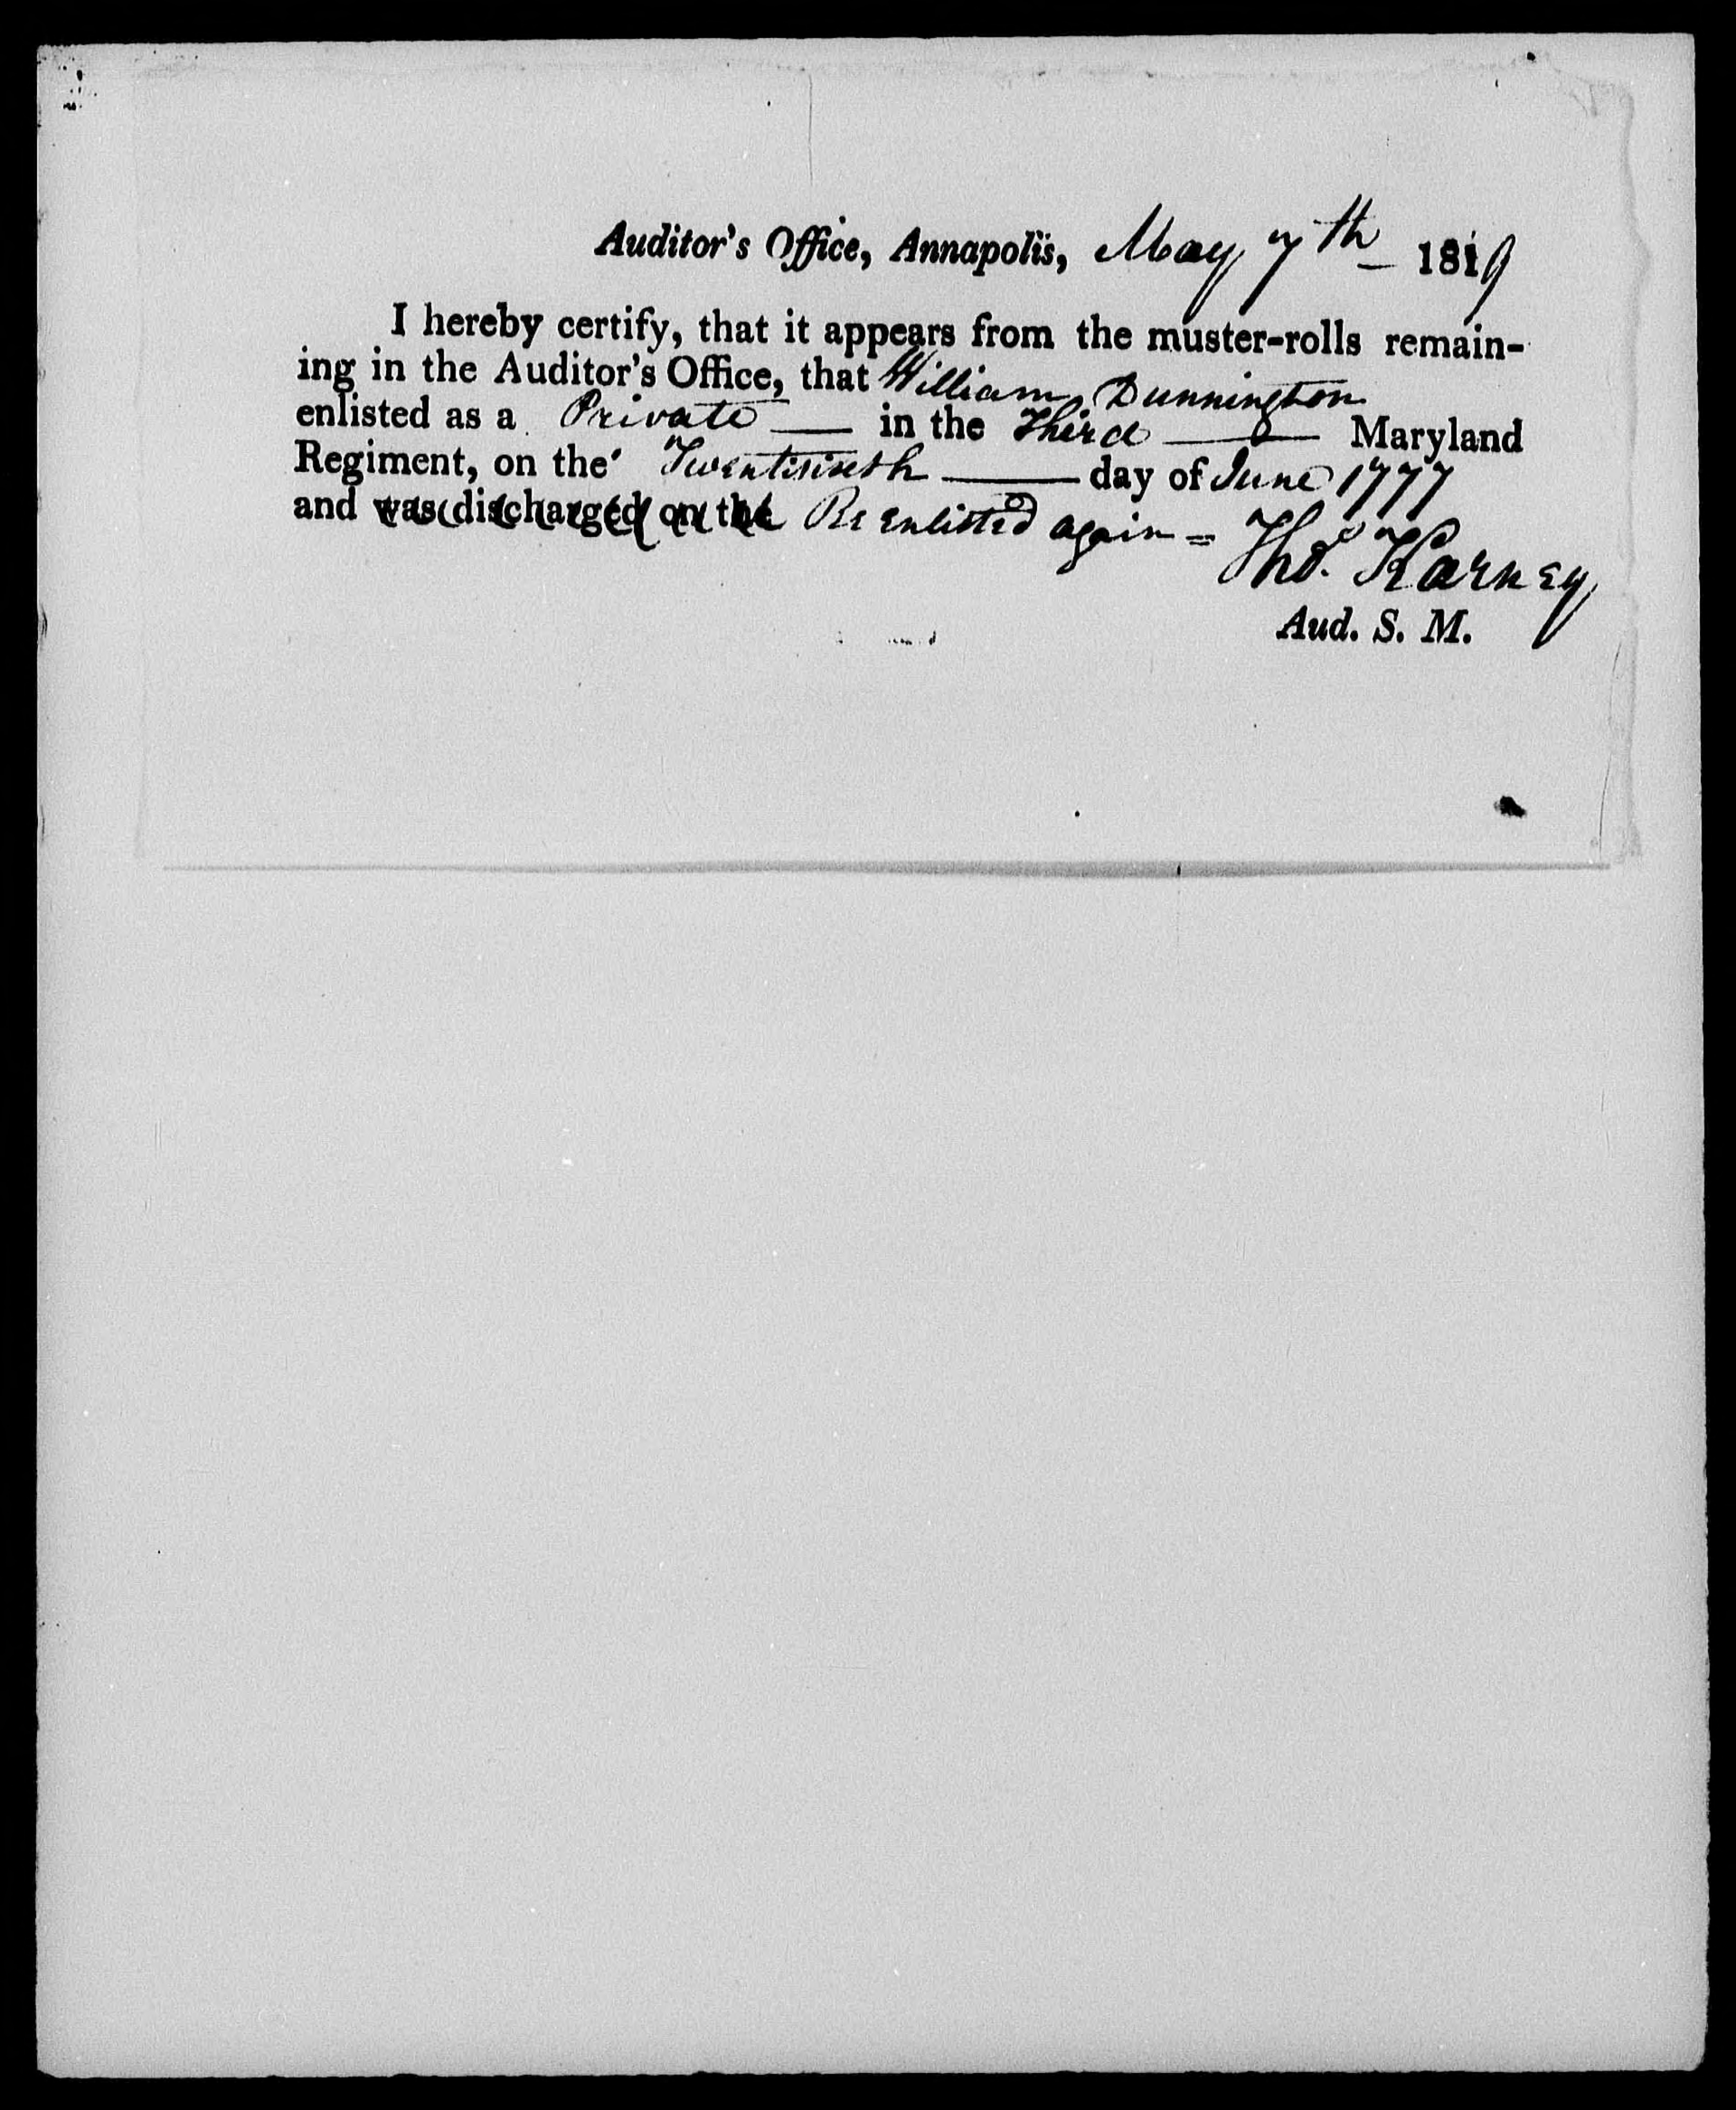Auditor's Office, Annapolis, May 7th, 1819

I hereby certify, that it appears from the muster-rolls remaining in the Auditor's Office, that William Dunnington enlisted as a Private in the Third Maryland Regiment, on the Twentieth day of June 1777 and reenlisted again.

[illegible] [illegible] Carney
Aud. S. M.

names: William Dunnington, Thos Karney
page: 32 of 51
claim: widow's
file: W. 27,409, William Dunnington, Md.